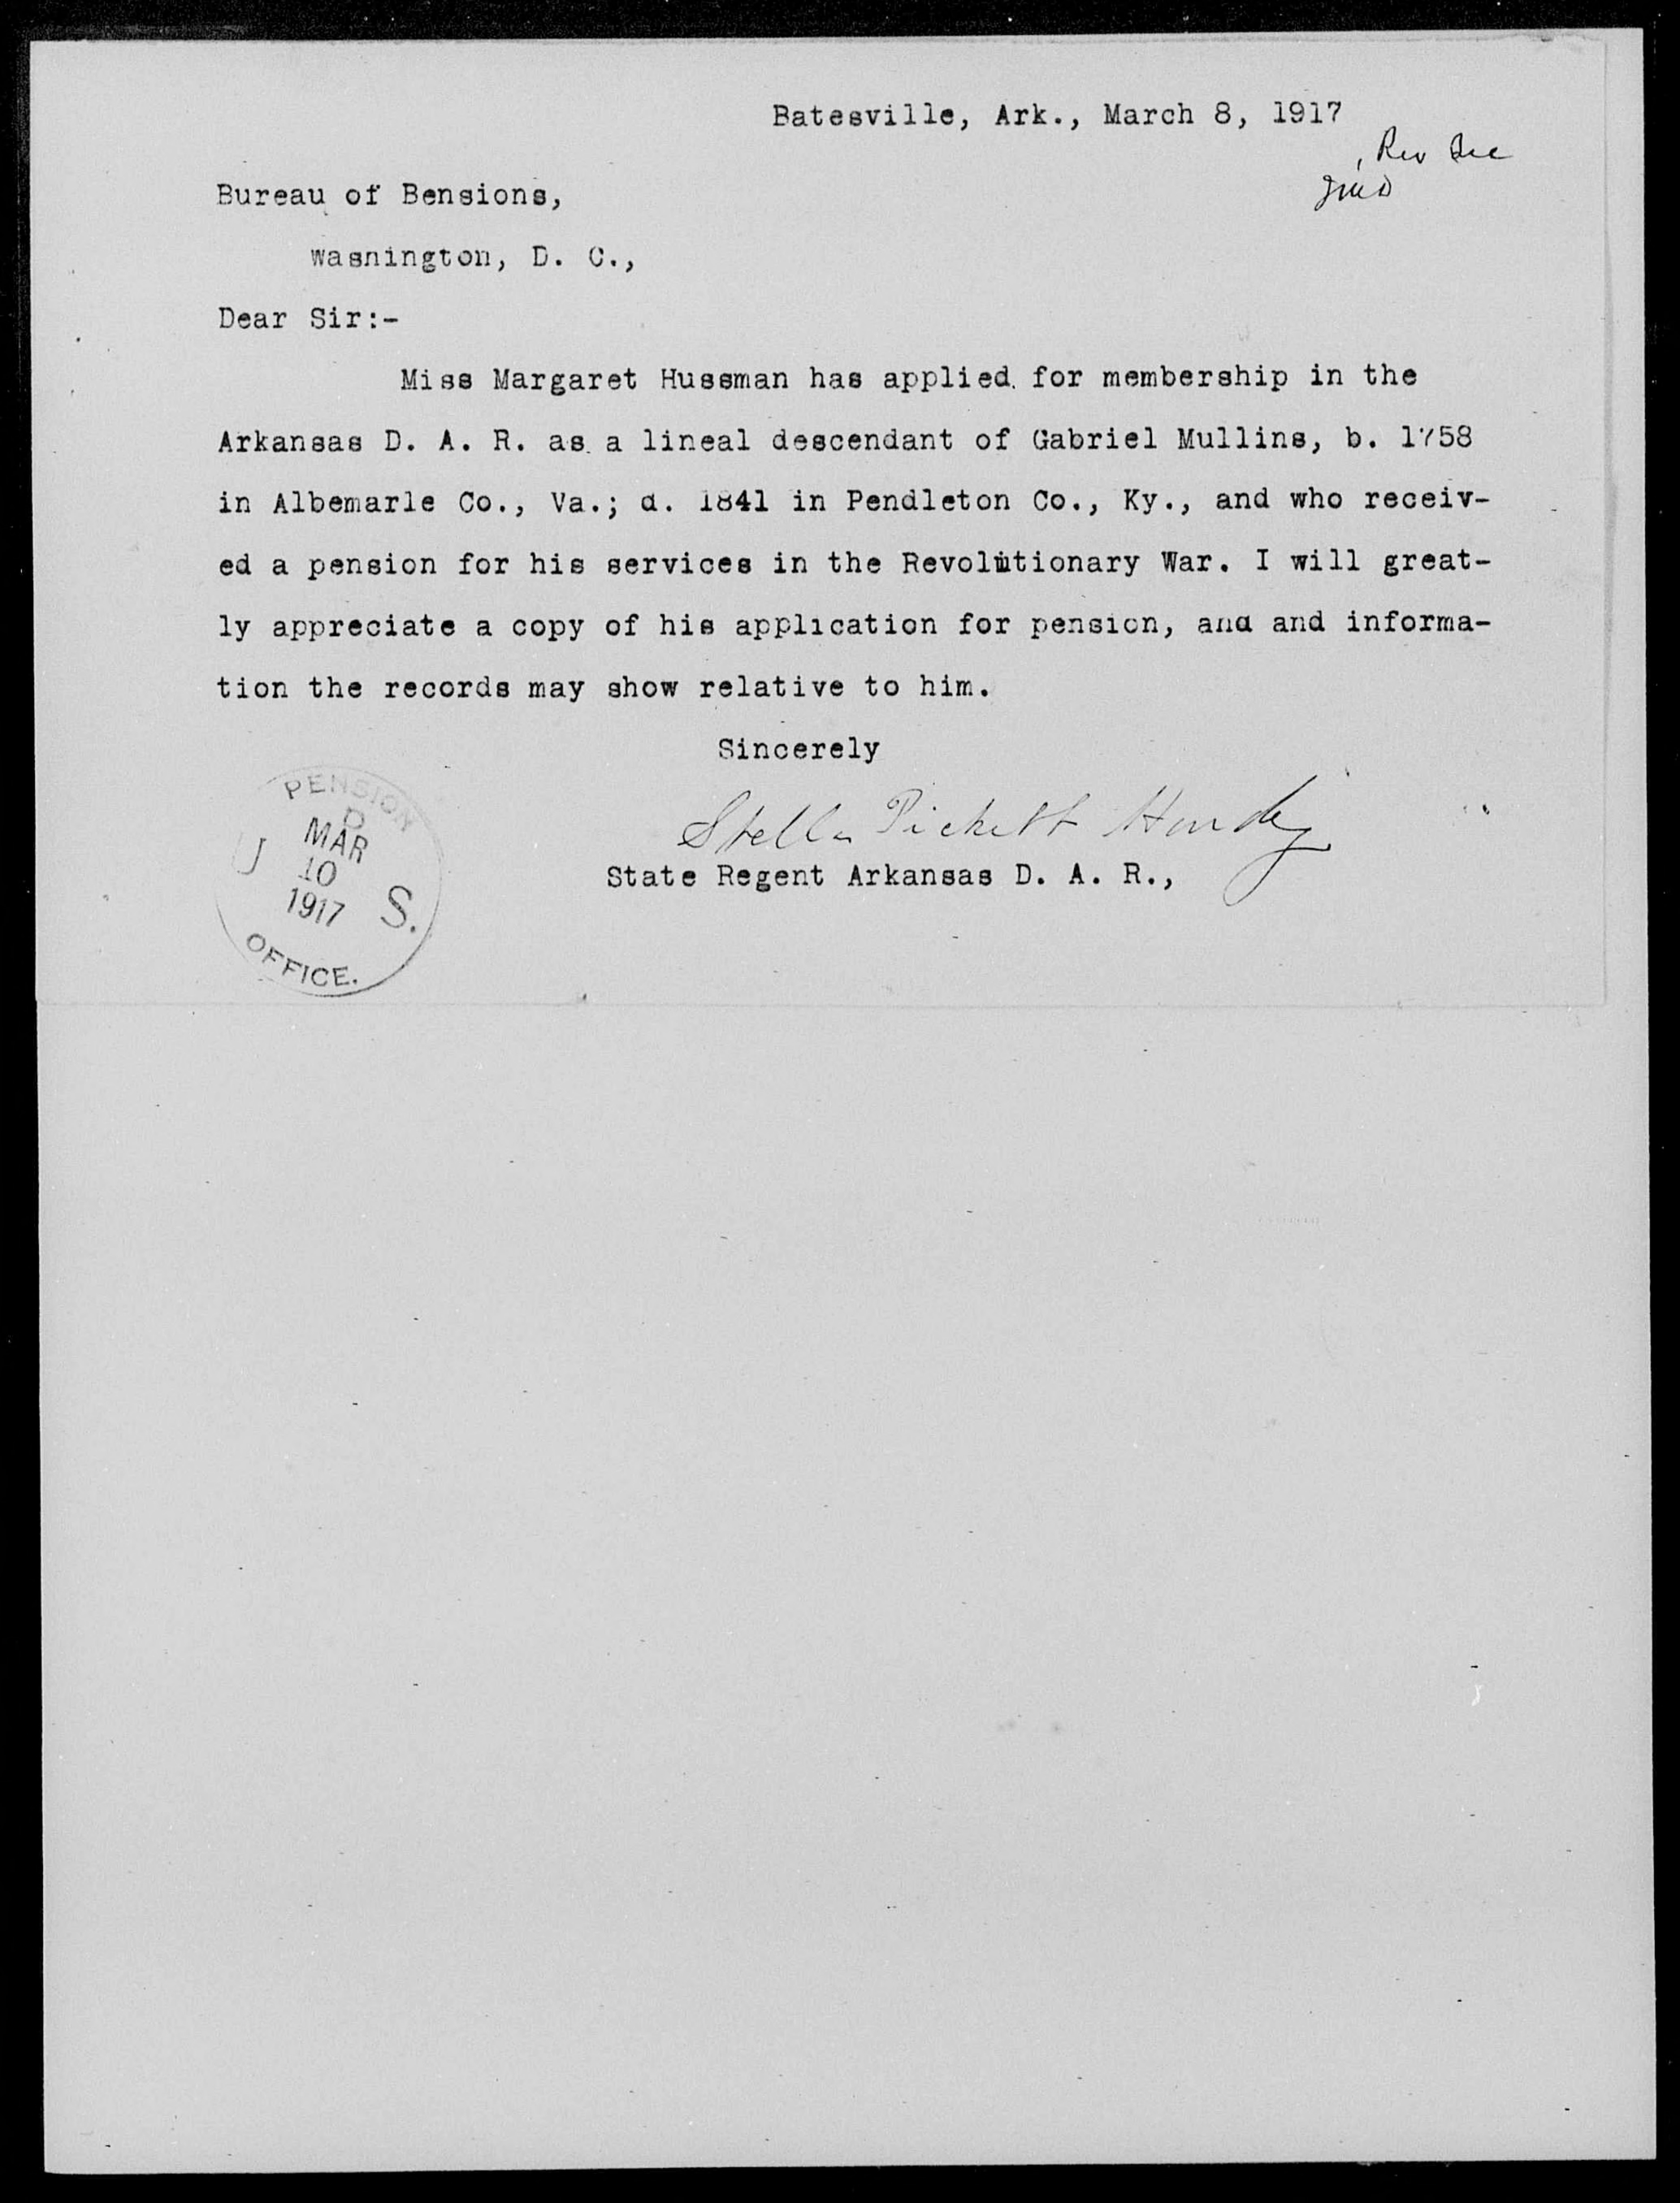Batesville, Ark., March 8, 1917
Bureau of Pensions,
Washington, D. C.,
 
Dear Sir: -
Miss Margaret Hussman has applied for membership in the
Arkansas D. A. R. as a lineal descendant of Gabriel Mullins, b. 1758
in Albemarle Co., Va.; d. 1841 in Pendleton Co., Ky., and who received
a pension for his services in the Revolutionary War. I will greatly
appreciate a copy of his application for pension, and the information the records may show relative to him.
                   Sincerely
  [signature:]Stella Pickett Hardy
               State Regent Arkansas D. A. R.,


           [stamp:] U.S. PENSION OFFICE MAR 10, 1917

     [Handwritten upper rt corner:] , Rev Dec[?] JMD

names: Gabriel Mullins; Stella Pickett Hardy; Margaret Hussman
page: 27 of 34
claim: survivor's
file: S. 30608, for Gabrel Mullins, Virginia